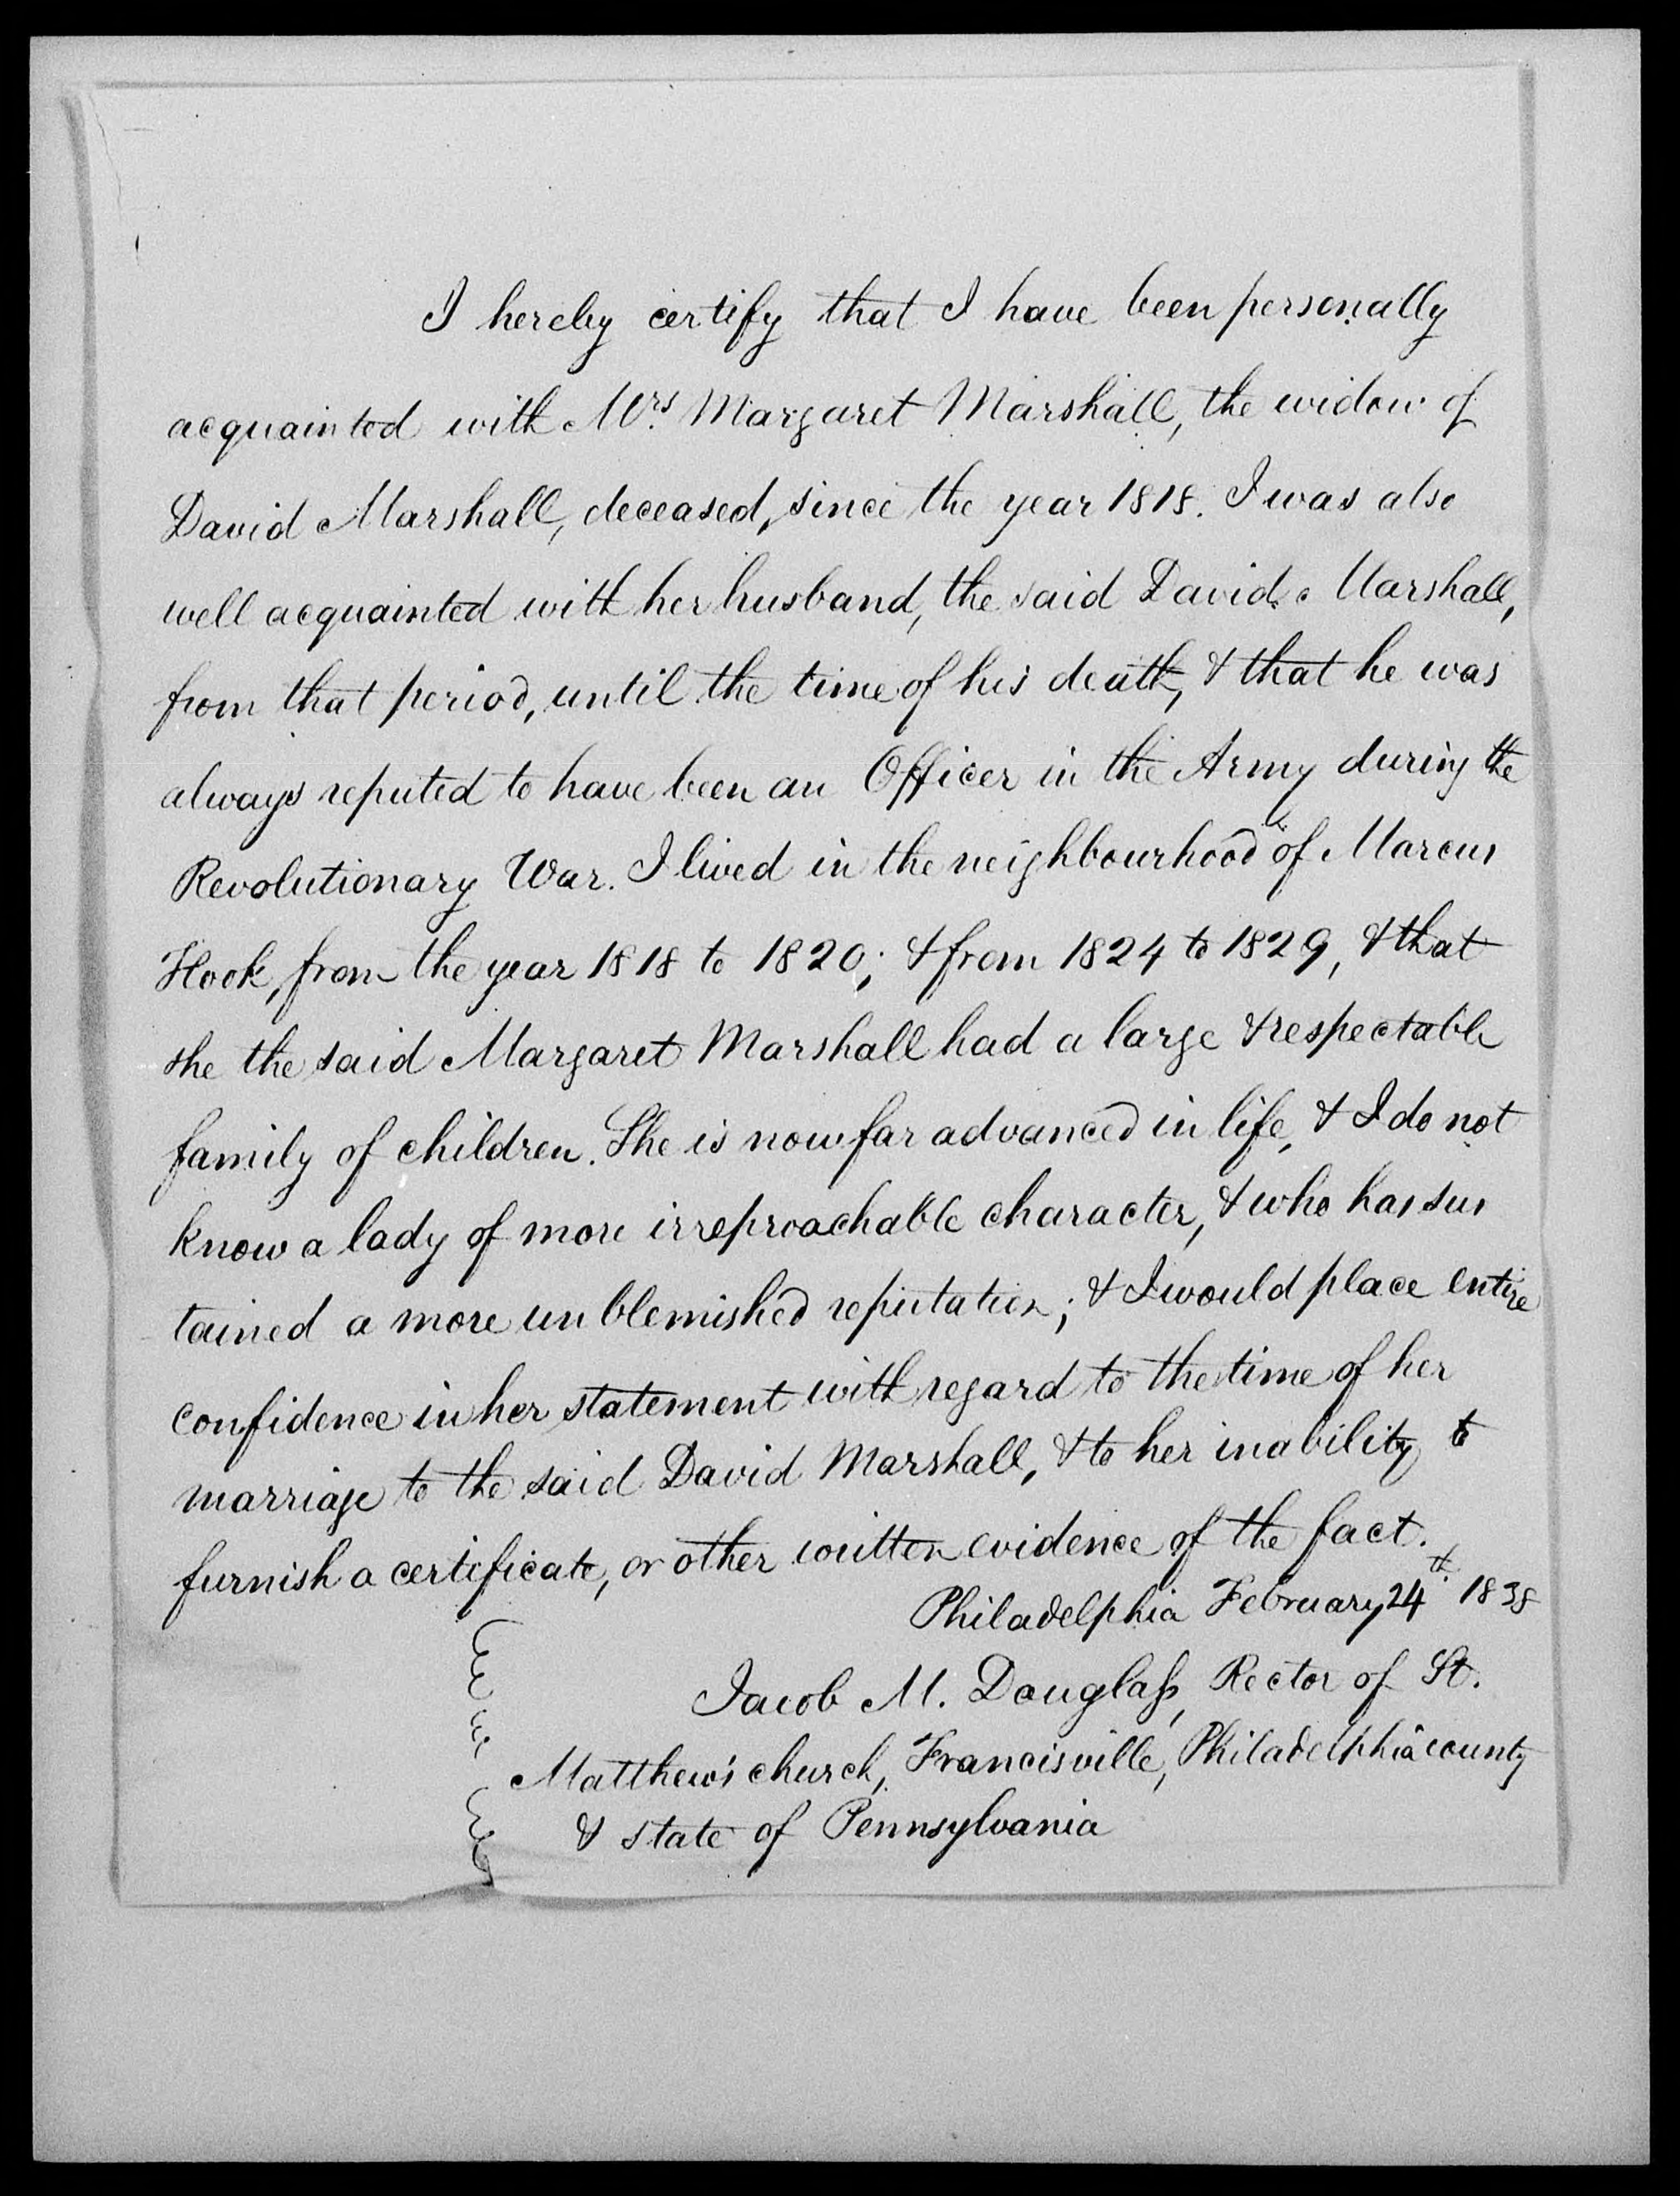I hereby certify that I have been personally acquainted with Mrs. Margaret Marshall, the widow of David Marshall, deceased since the year 1818. I was also well acquainted with her husband, the said David Marshall, from that period, until the time of his death, & that he was always reputed to have been an Officer in the Army during the Revolutionary War.  I lived in the neighborhood of Marcus Hook from the year 1818 to 1820, & from 1824 to 1829, & that she the said Margaret Marshall had a large & respectable family of children. She is now far advanced in life, & I do not know a lady of more irreproachable character, & who has sustained a more unblemished reputation, & I would place entire confidence in her statement with regard to the time of her marriage to the said David Marshall, & to her inability to furnish a certificate, or other written evidence of the fact.
Philadelphia February 24th 1838
Jacob M. Douglap Rector of St Matthew's Church, Francisville, Philadelphia County & State of Pennsylvania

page: 61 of 86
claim: widow's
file: W. 3571, for David Marshall, Pennsylvania